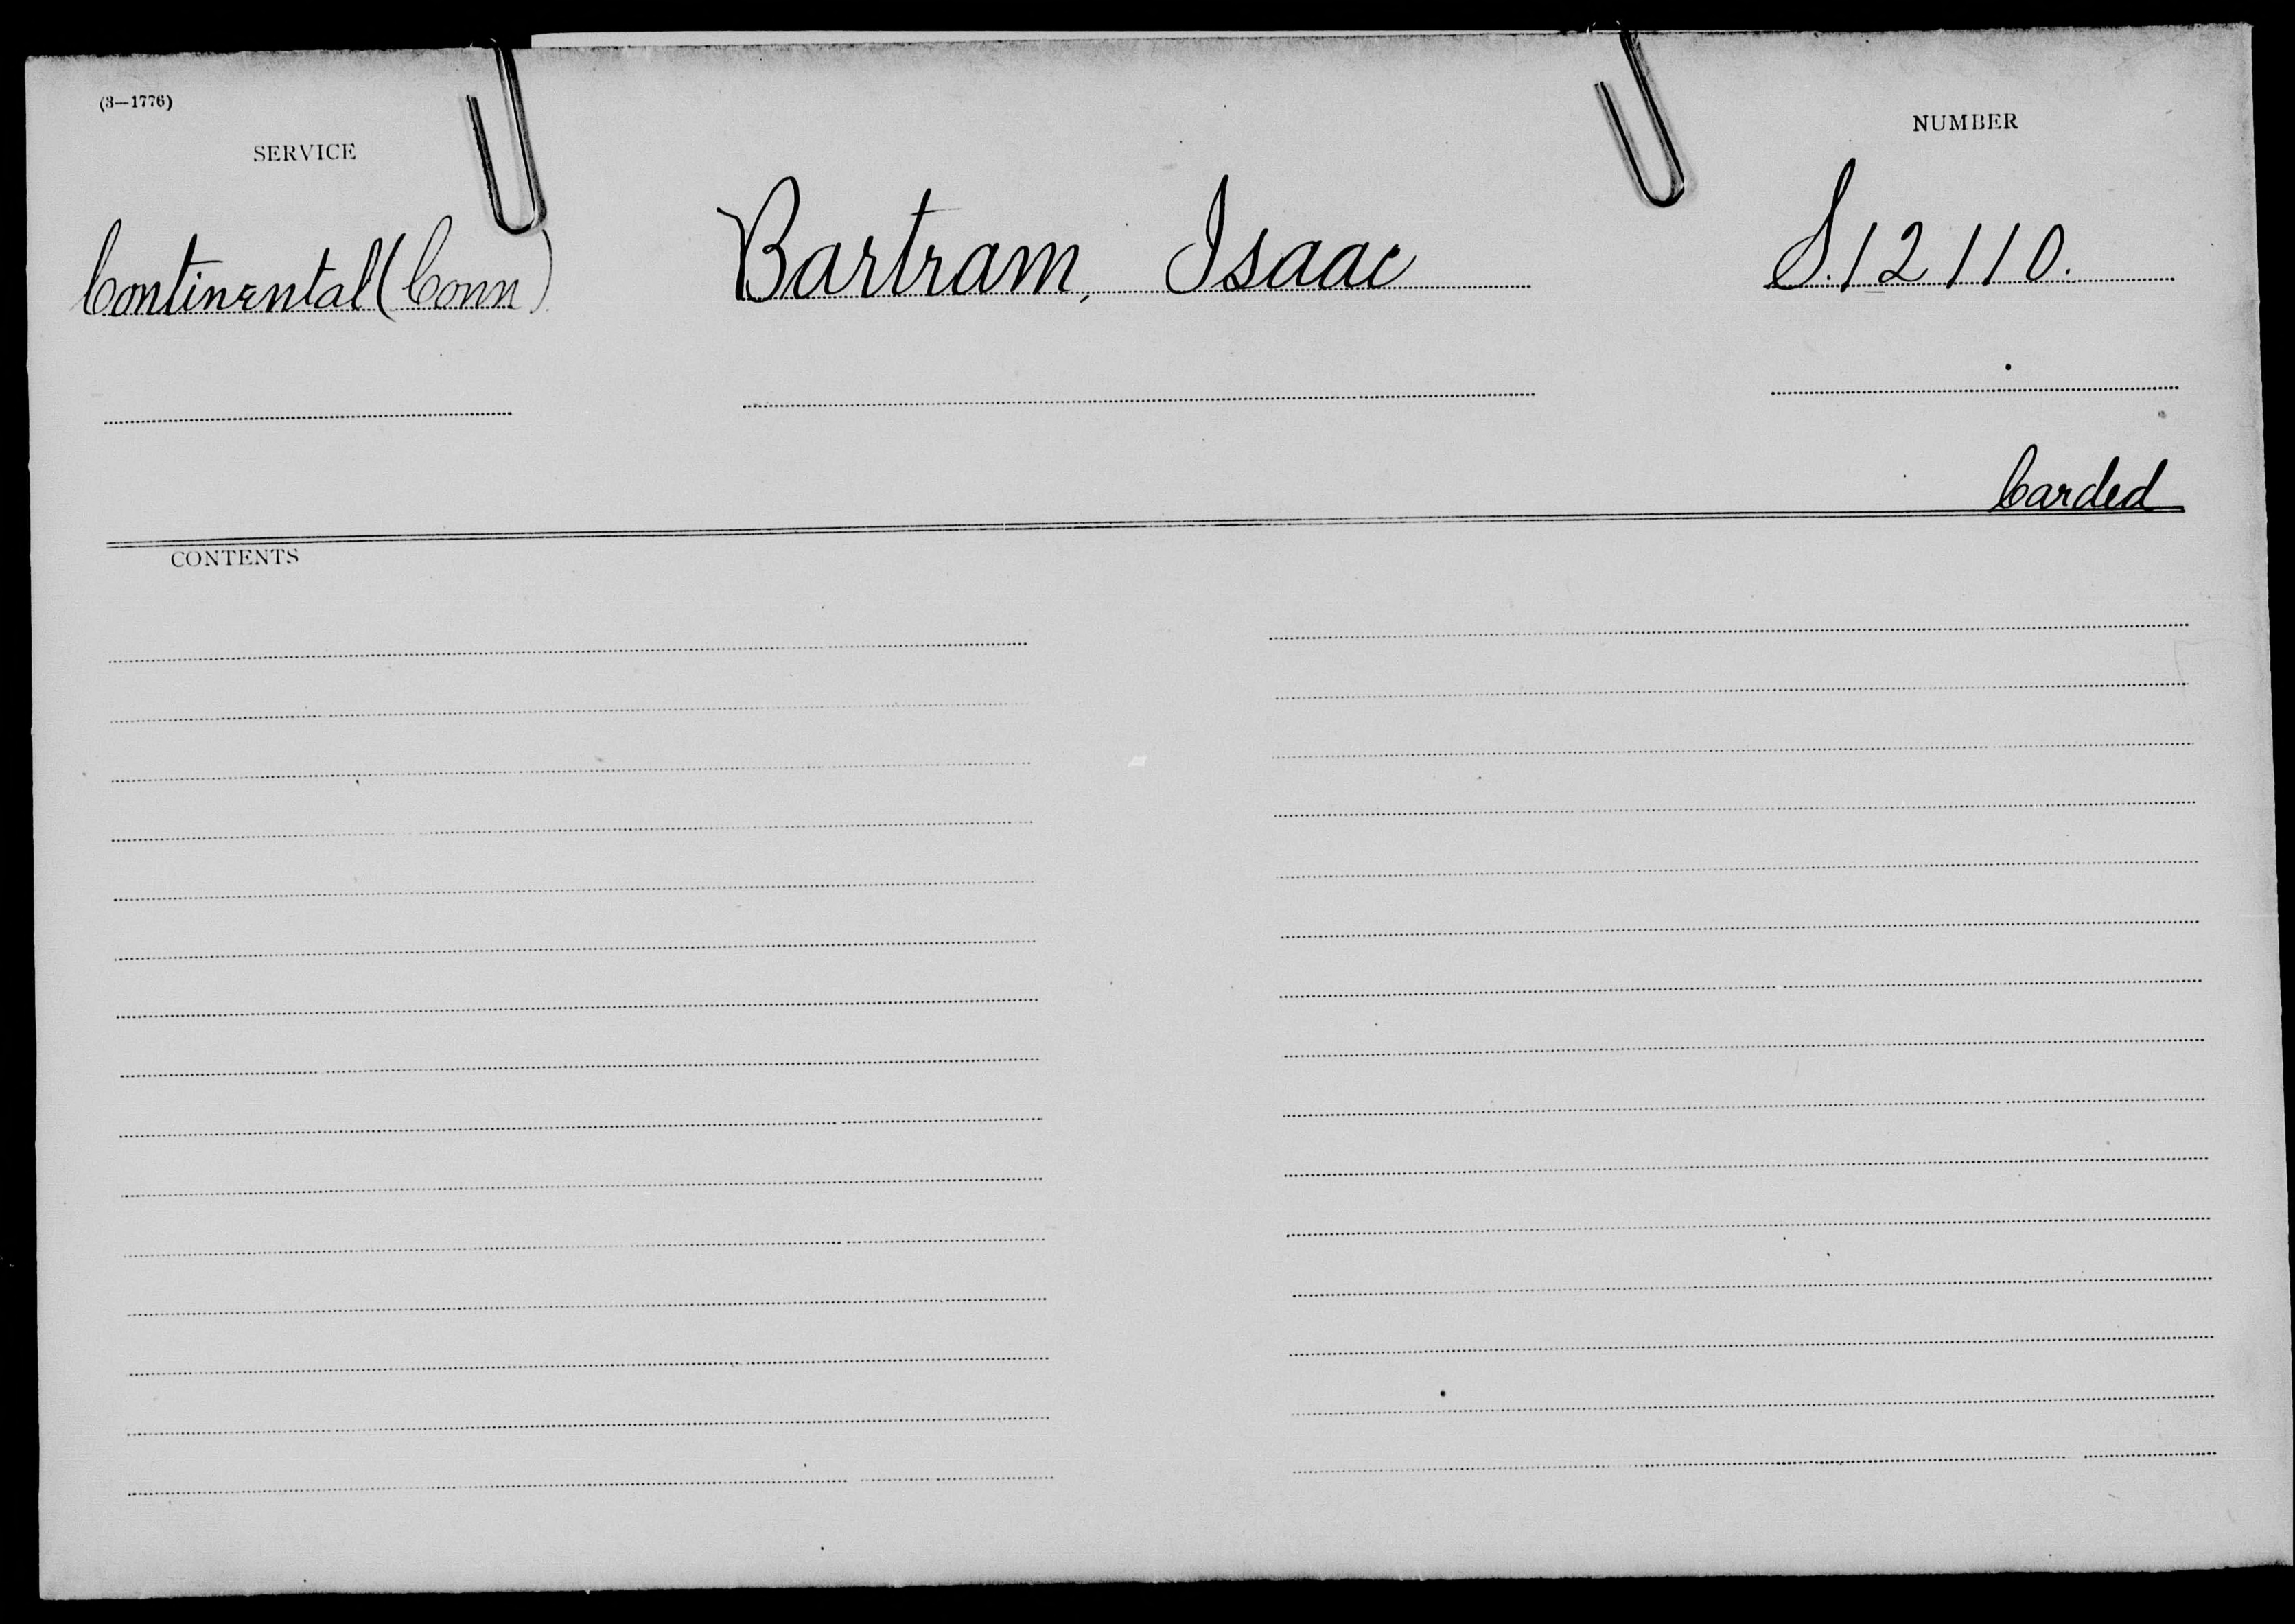(3 - 1776)
SERVICE                                                 NUMBER
Continental (Conn)     Bartram, Isaac     S 12110

                                                          Carded

CONTENTS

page: 1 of 39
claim: survivor's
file: S. 12110, Isaac Bartram, Continental (Conn)